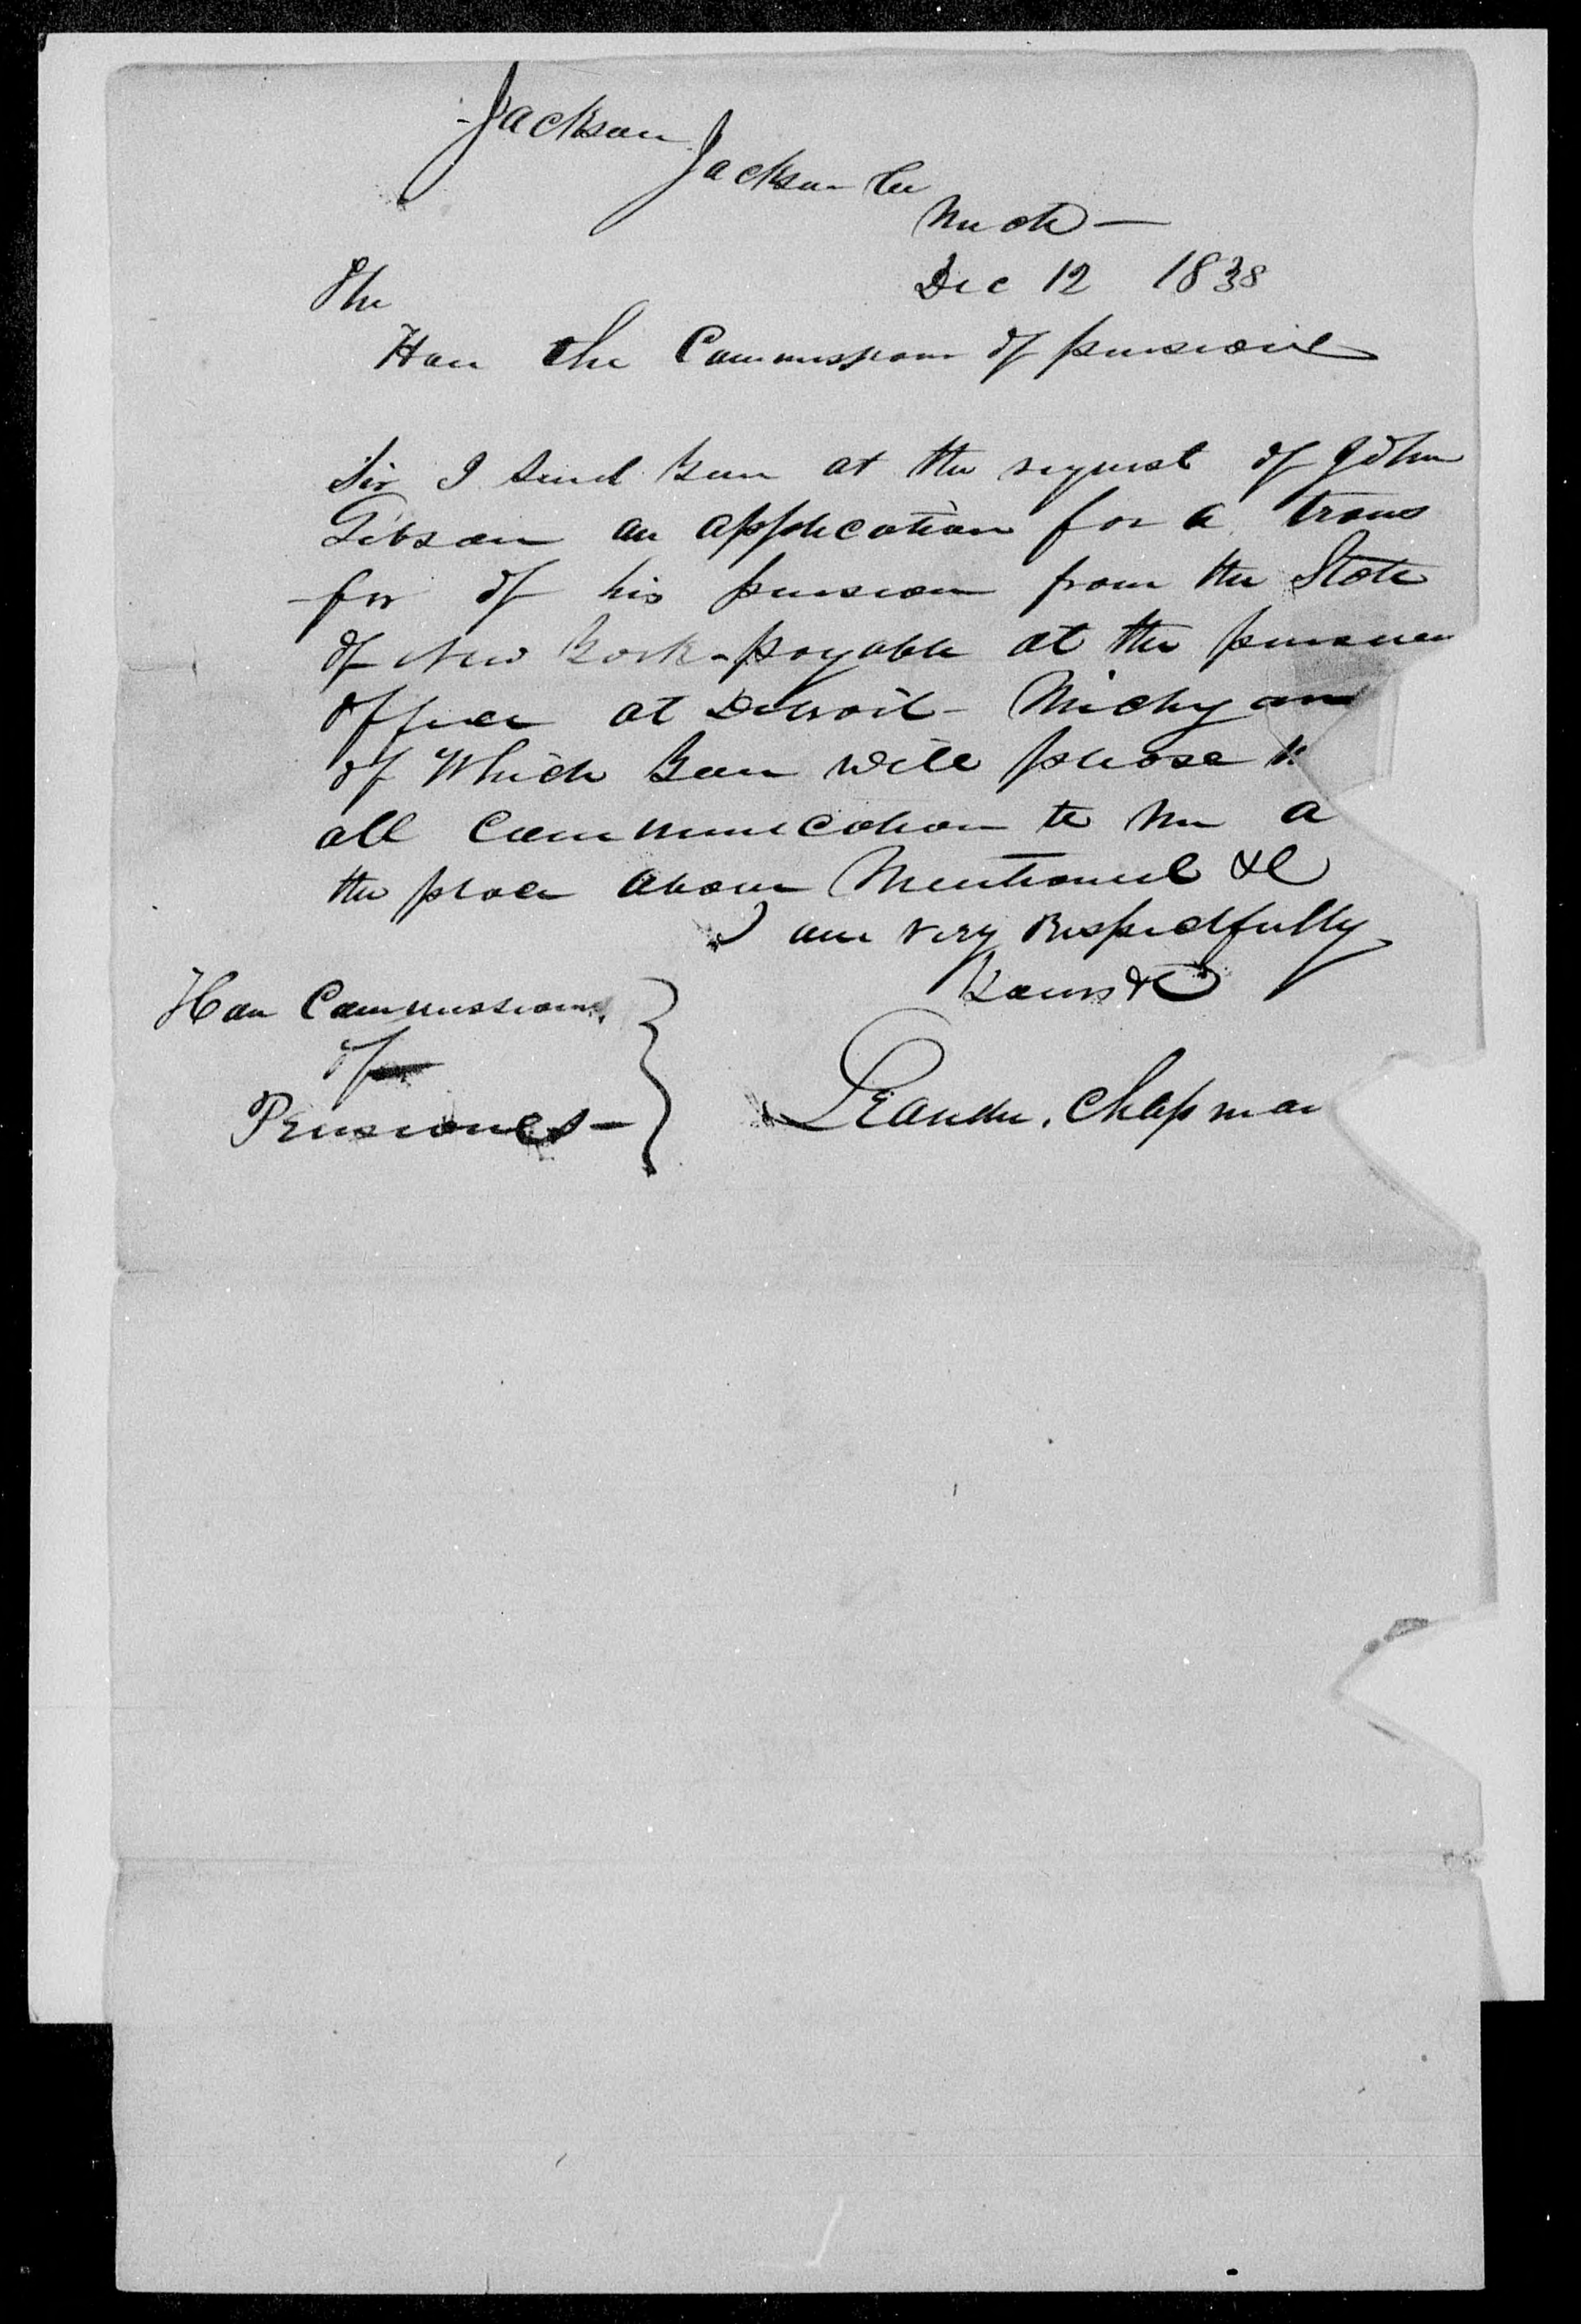Jackson
Jackson Co
Mich---

Dec 12 1838

The Hon the Commissioner of Pensions

Sir I send you at the request of John Gibson an application for a transfer of his pension from the State of New York - Payable at the Pension Office at Detroit - Michy and of which you will please [illegible - torn] all communication to me at the place above mentioned &c
I am very respectfully yours

Hon Commissioner 
of Pensions  } Leander Chapman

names: Leander Chapman, John Gibson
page: 20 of 32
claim: survivor's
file: S. 34899, John Gibson, R.I.